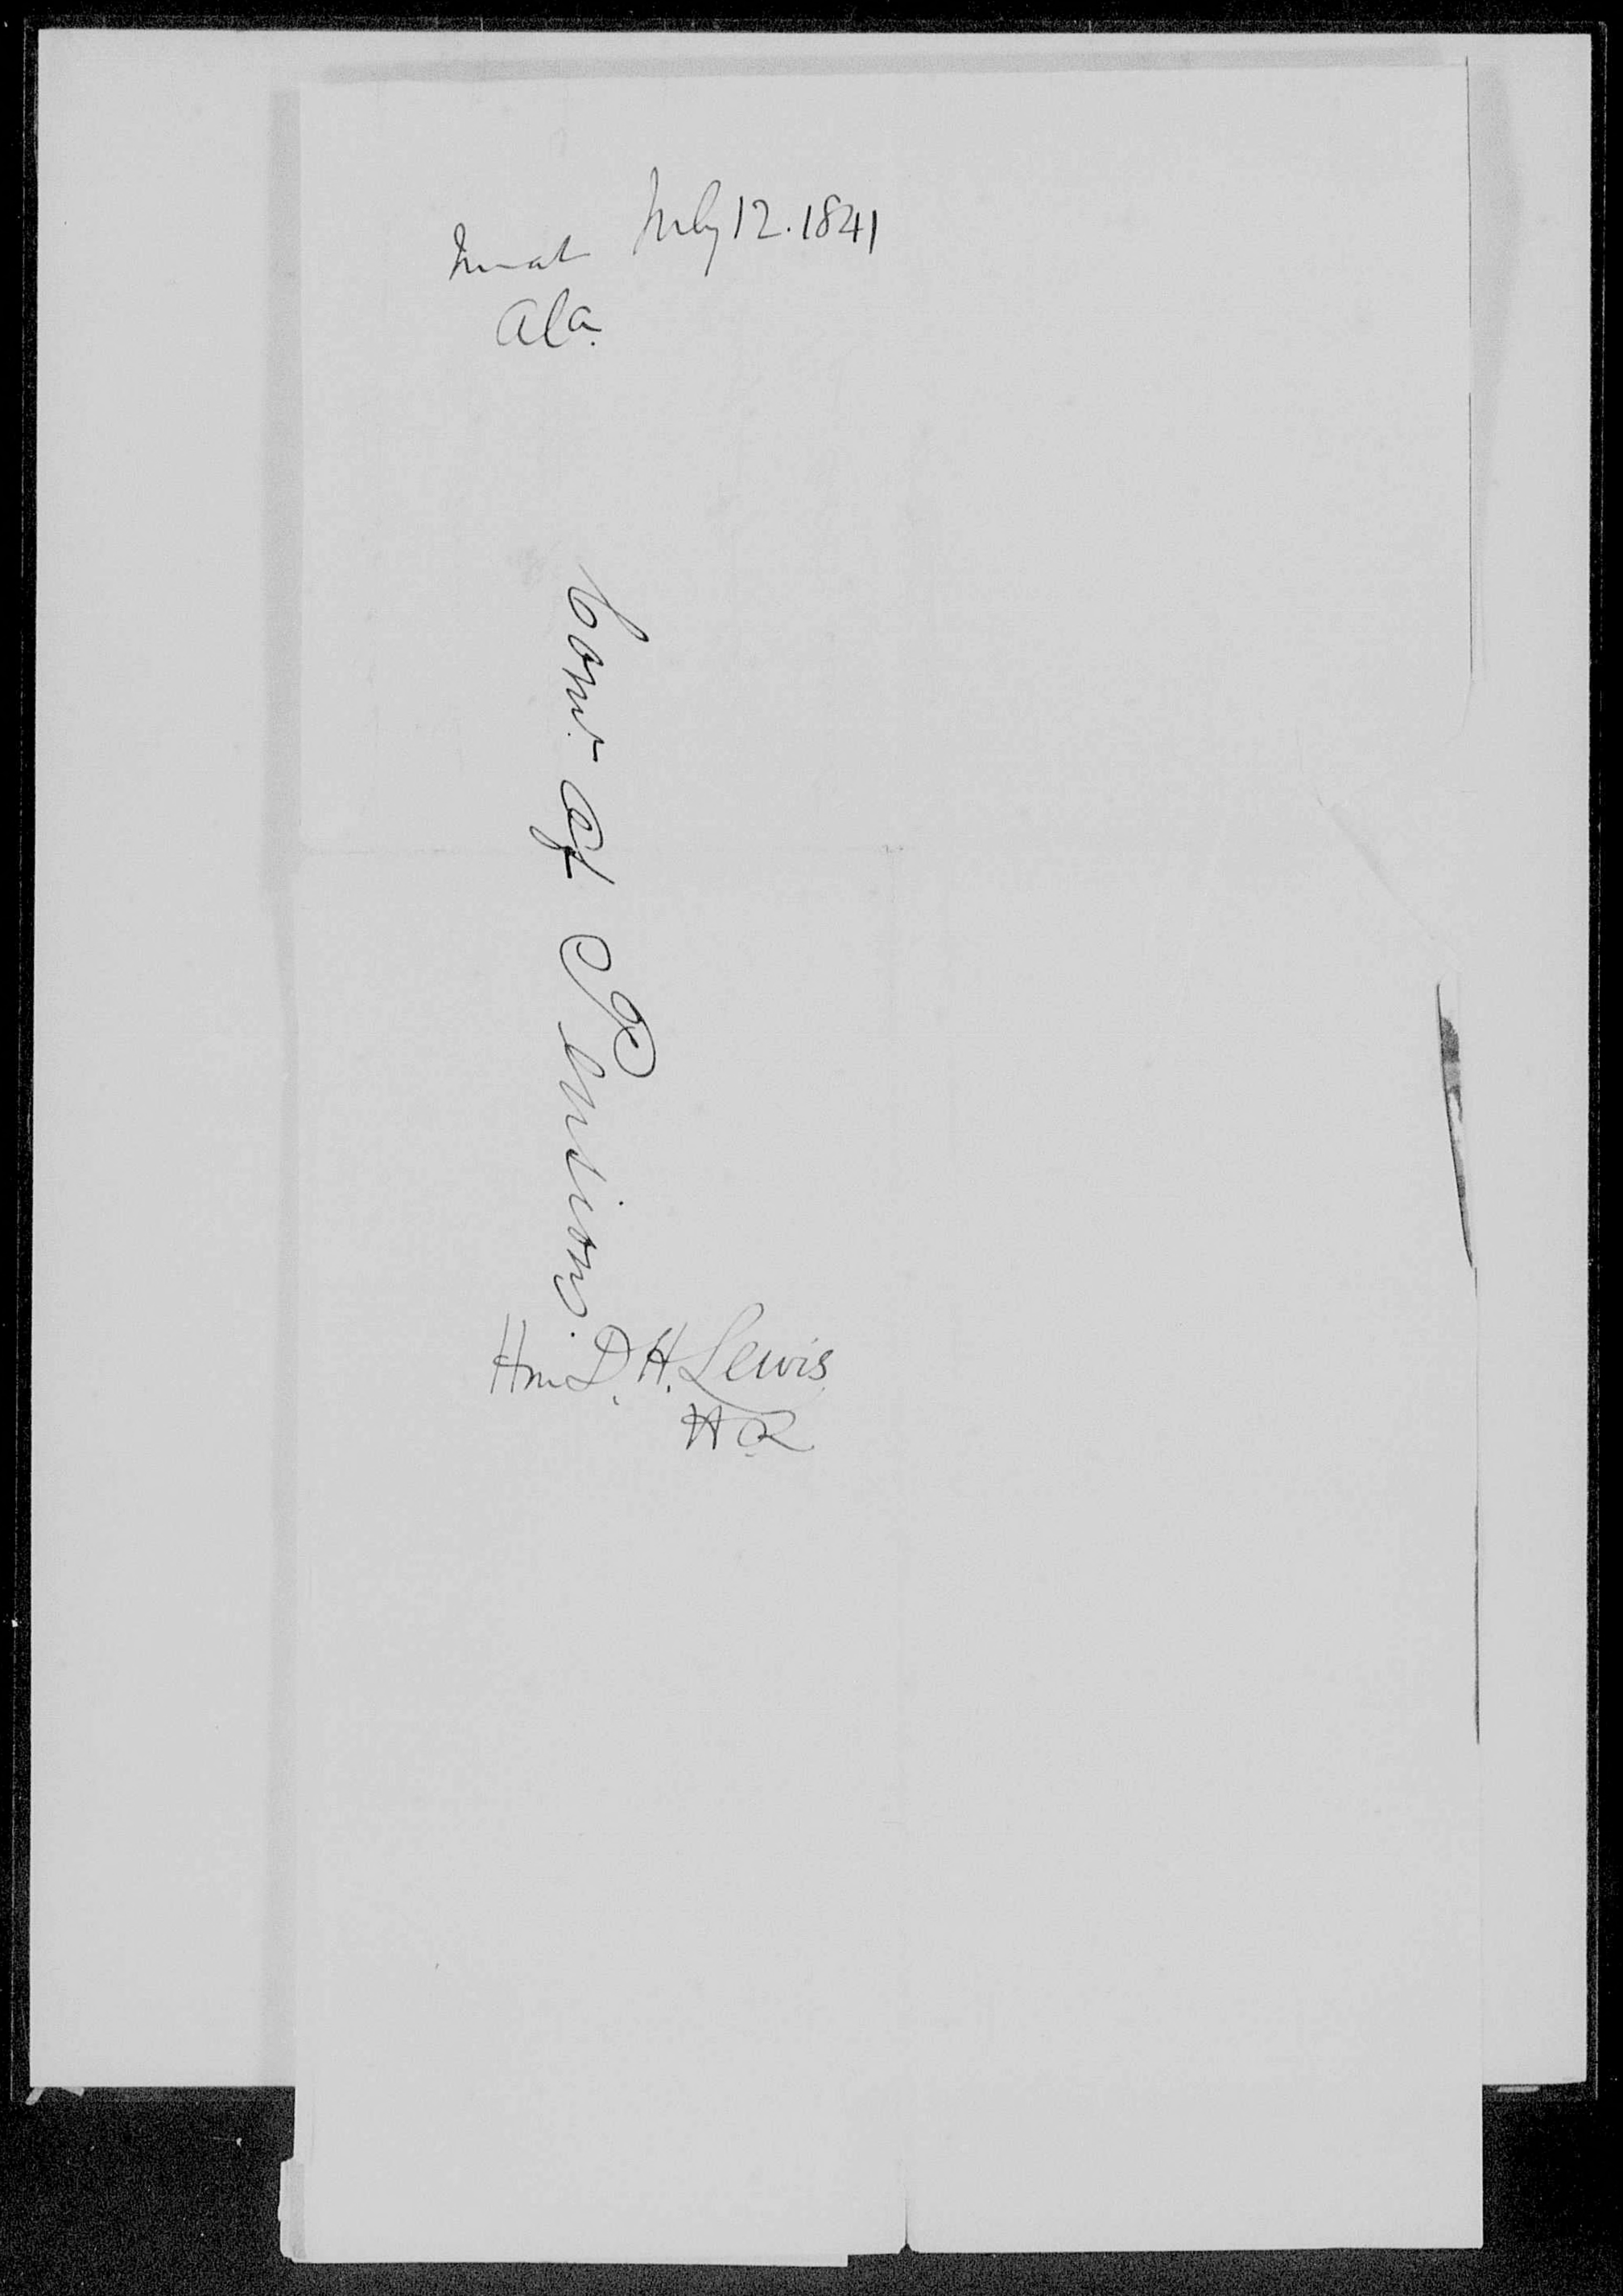hnat   July 12.  1841
Ala.

Hon. D. H. Lewis
H.R.

[Address text written vertically from top to bottom of page as follows:]

Comr. of Pensions.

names: D H Lewis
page: 18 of 31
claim: survivor's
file: S. 14802, Thomas Ward, S.C.